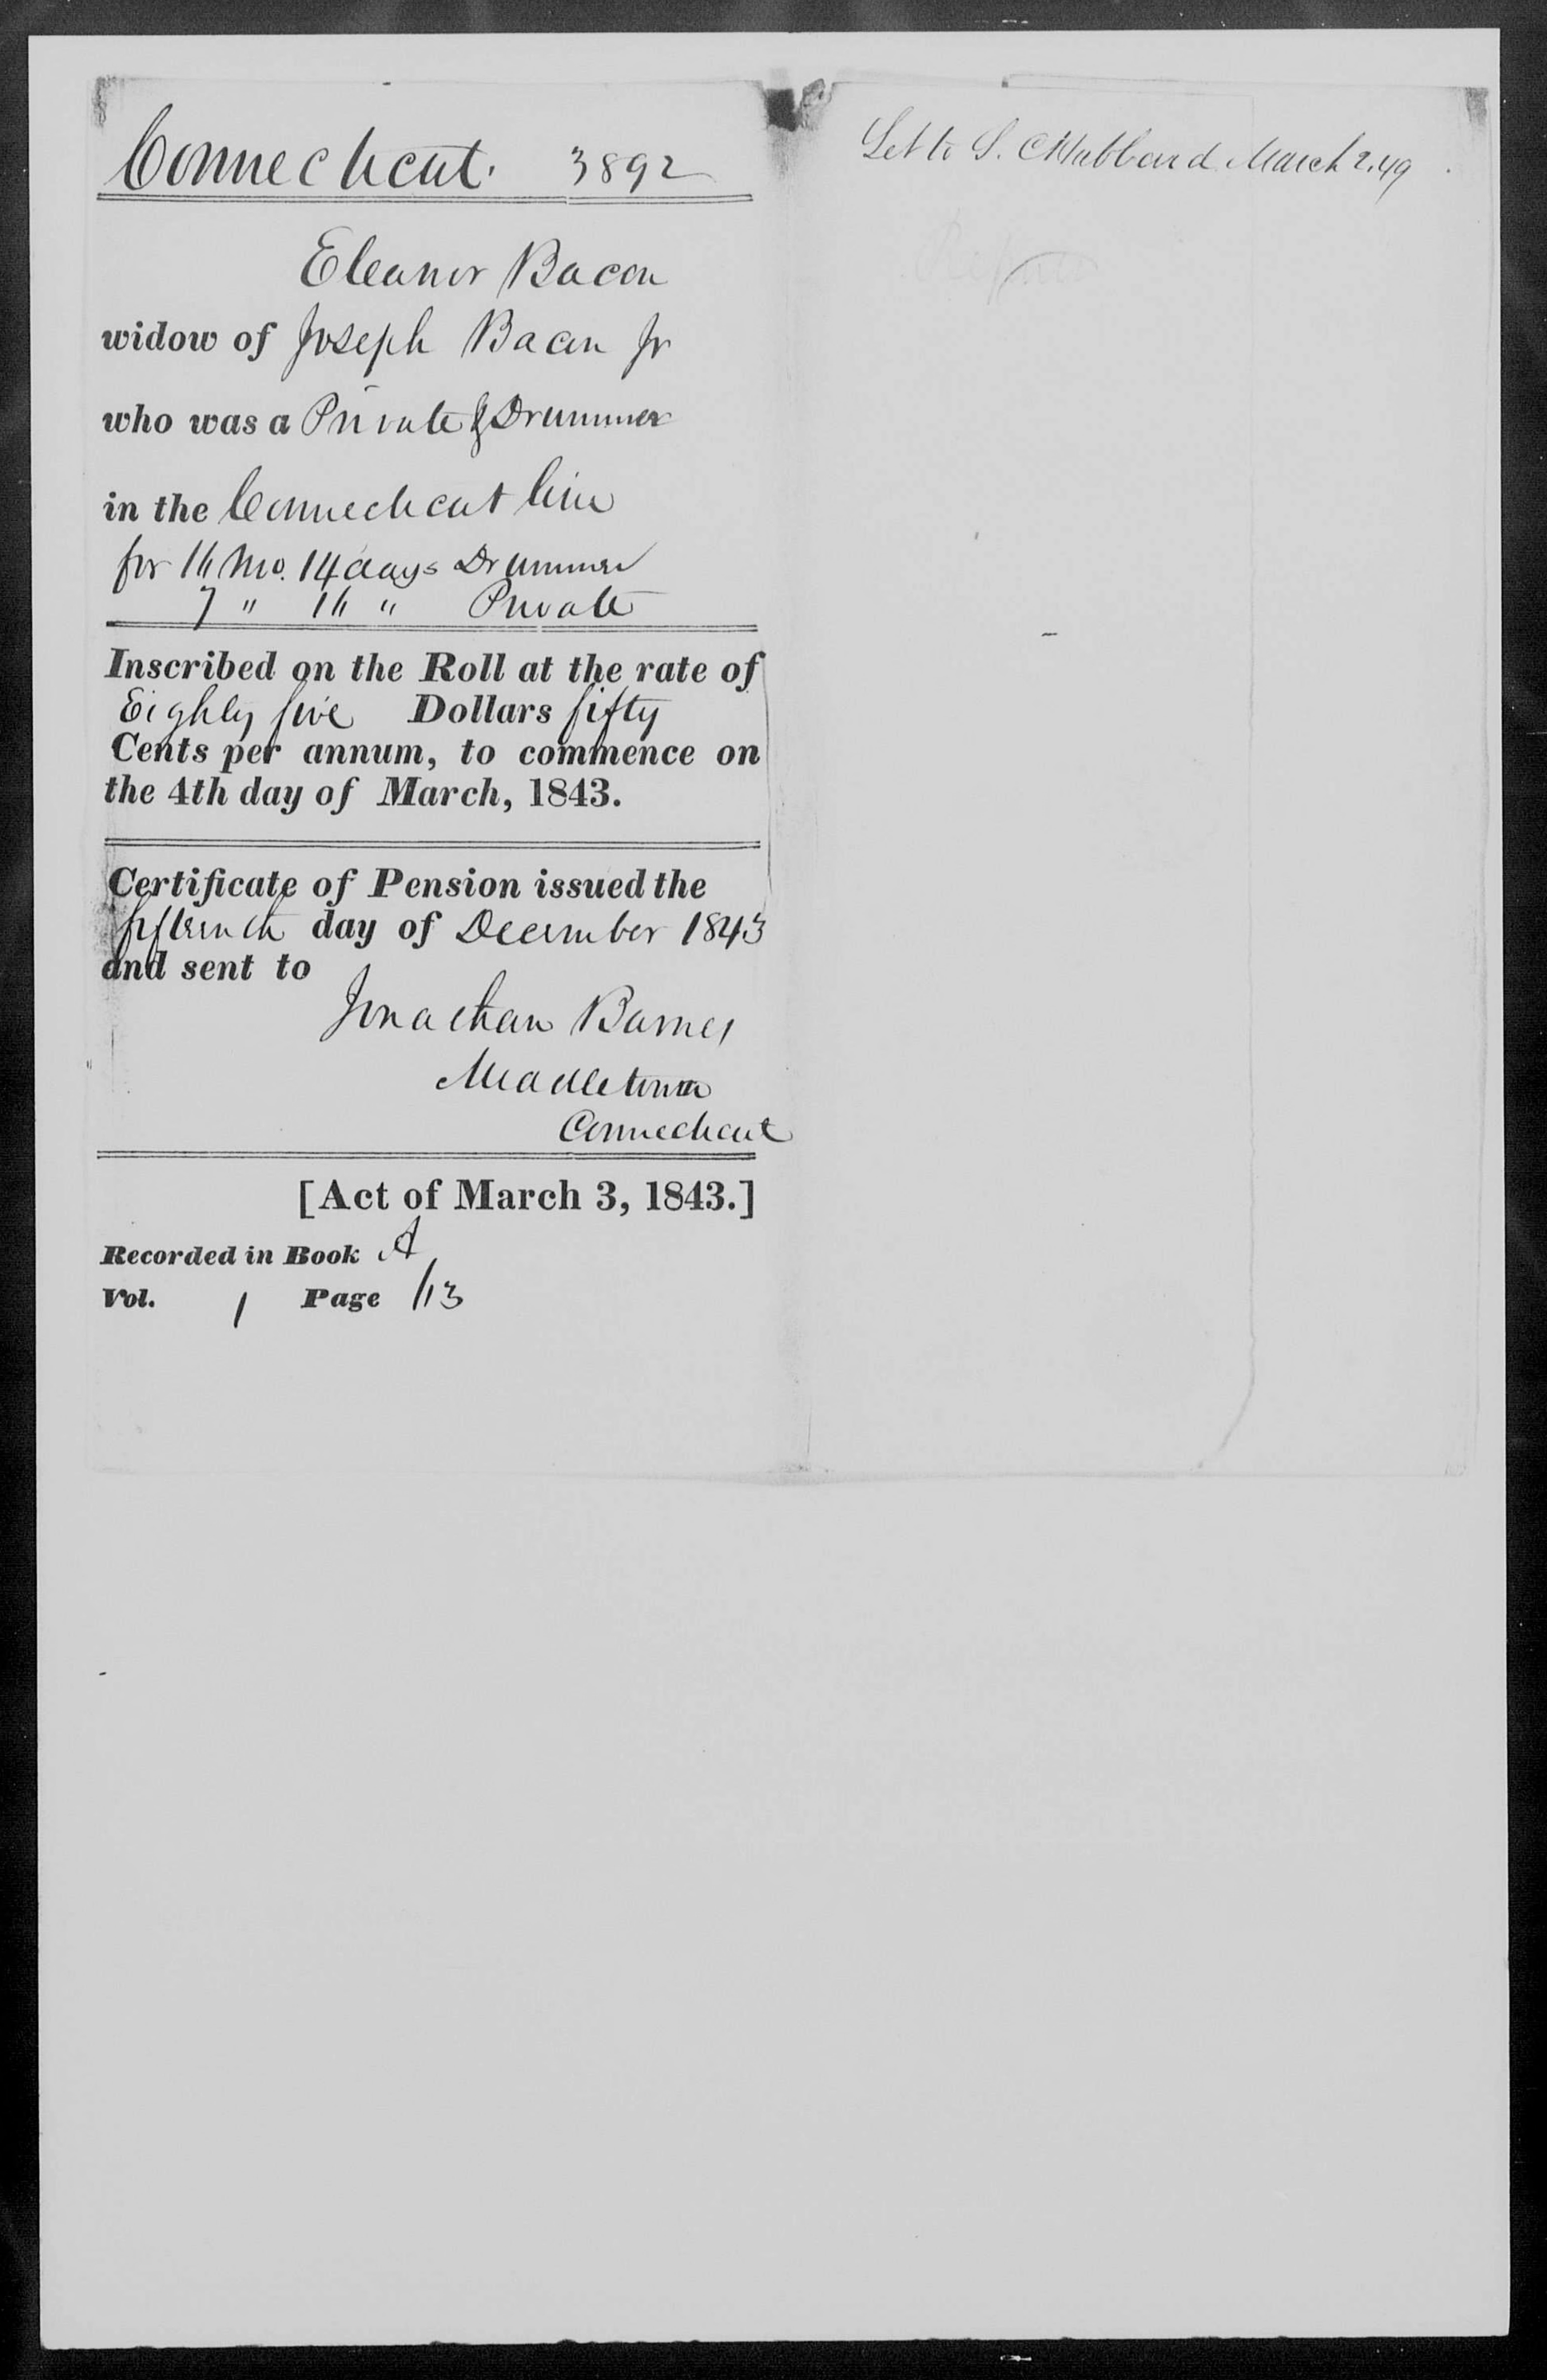Connecticut. 3892 
___________________

Eleanor Bacon
widow of Joseph Bacon Jr.  who was a Private & Drummer in the Connecticut line 
for 11 months, 14 days Drummer
for 7 months, 1 day Private
______
Inscribed on the Roll at the rate of Eighty five Dollars fifty Cents per annum, to commence on the 4th day of March, 1843. 
___________
Certificate of Pension issued the fifteenth day of December 1843 and sent to Jonathan Barnes, Middletown, Connecticut
____________
[Act of March 3, 1843.]
Recorded in Book A
Vol. 1  Page /13

(Top right page)
Seth S, Hubbard. March 2, 49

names: Joseph Bacon, Jonathan Barnes, Eleanor Bacon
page: 12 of 24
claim: widow's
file: W. 25190, Joseph Bacon, Continental (Conn)